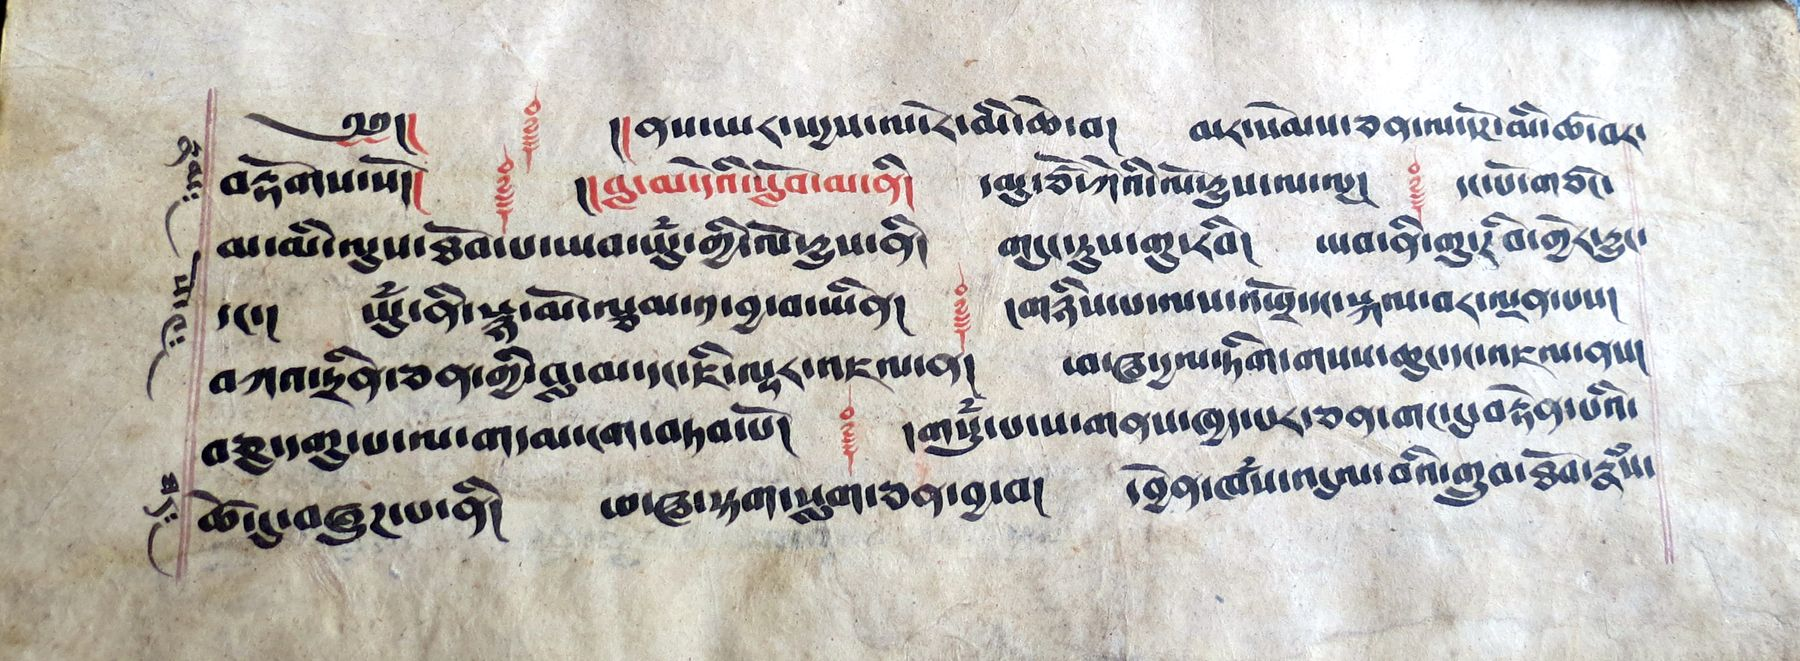ནས་ཡར་སངས་རྒྱས་ལ་རེ་མི་ཆེ་བ། མར་སེམས་ཅན་ལ་དོགས་མི་ཚ་བར་
བརྟོགས་སོ། ། བླ་མ་དེའི་སློབ་མ་ནི། དམུ་ཙོག་གེའི་ལོ་རྒྱུས་ལ་ལྔ། དང་པོ་གཙང་
མ་མི་ལུས་ཐོབ་པ་ཡབ་དང་ཡུམ་གྱི་ལོ་རྒྱུས་ནི། གདུང་རུས་གུ་རིབ། ཡབ་ནི་གུ་རིབ་གྱེར་རྒྱུང་
དང་། ཡུམ་ནི་སྙ་མོ་ལྕམ་གཅིག་བྱ་བ་ཡིན། གཉིས་པ་ལས་འཕྲོ་དང་སྐལ་པར་ལྡན་པས། 
བཀའ་དྲིན་ཅན་གྱི་བླ་མ་དང་ཅི་ལྟར་མཇལ་ན། ཕ་ཝ་རྒྱལ་ཏིག་གསས་ཆུང་དང་མཇལ་ནས། 
བཅུ་དགུ་པ་ལ་གདམས་ངག་བཏབ་པོ། ། གསུམ་པ་ས་གནས་ཁྱད་པར་ཅན་གང་དུ་བརྟེན་པའི་
ཚེ་དུ་བཞུགས་པ་ནི། ཕ་ཝ་སྟག་སླག་ཅན་བྱ་བ། གཡེན་ཁམས་འདུལ་བའི་གྲུབ་ཐོབ་རྣམས་